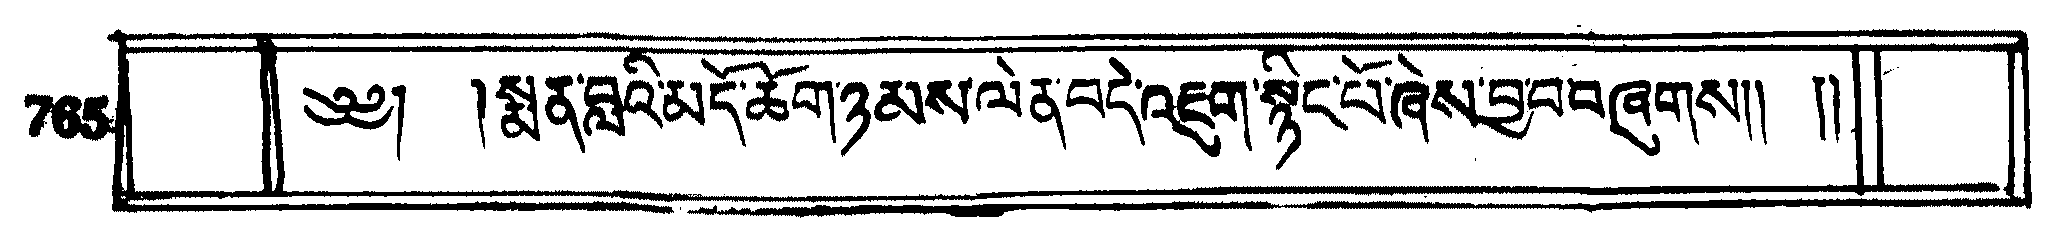༄༅། །སྨན་བླའི་མདོ་ཆོག་ཉམས་ལེན་བདེ་འཇུག་སྙིང་པོ་ཞེས་བྱ་བ་བཞུགས།། །།